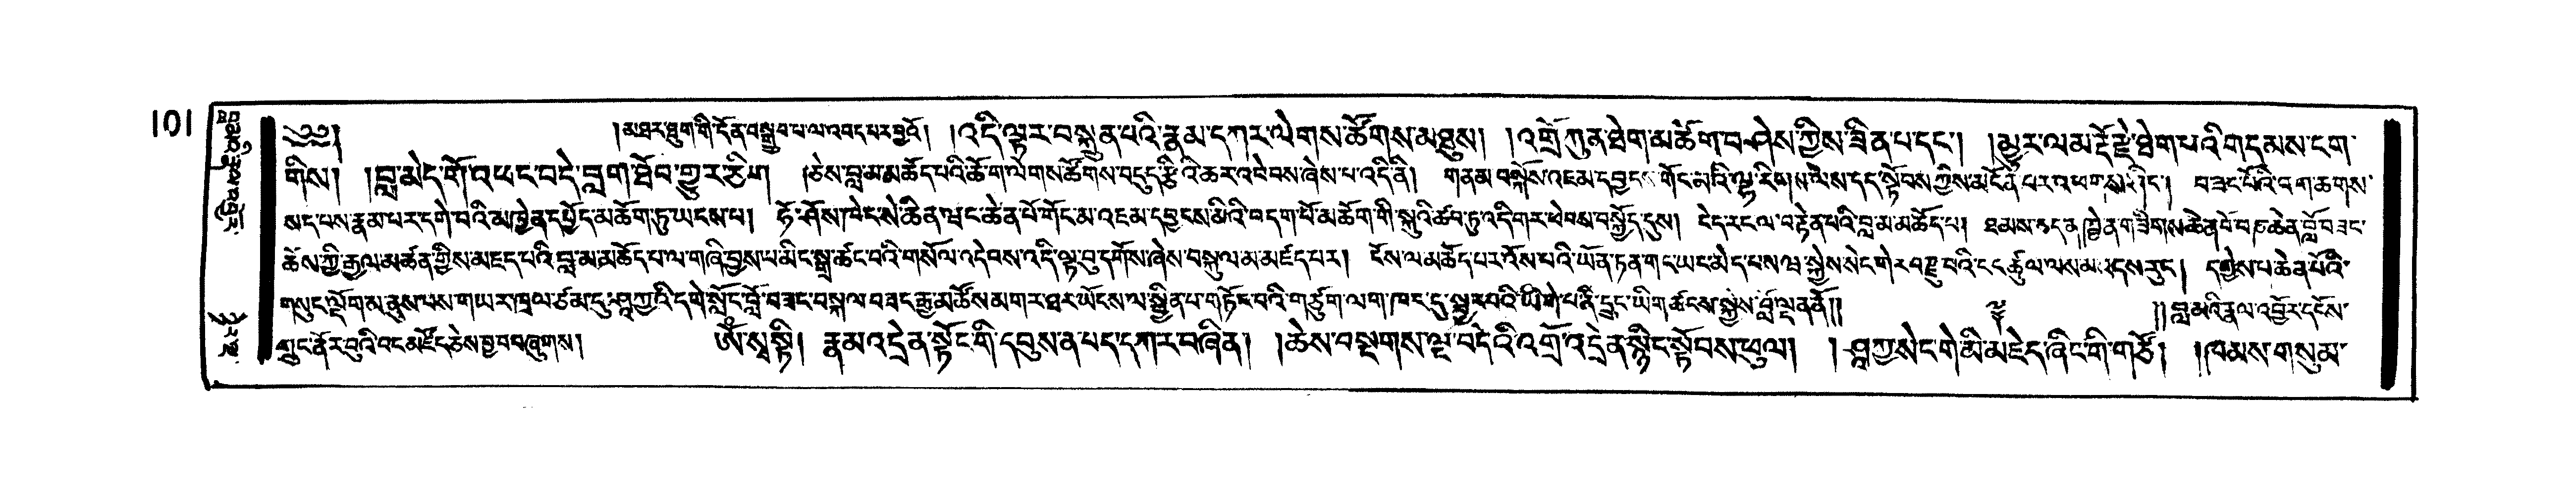༄༅། །མཐར་ཐུག་གི་དོན་བསྒྲུབ་པ་ལ་འབད་པར་བྱའོ། །འདི་ལྟར་བསྐྲུན་པའི་རྣམ་དཀར་ལེགས་ཚོགས་མཐུས། །འགྲོ་ཀུན་ཐེག་མཆོག་བཤེས་ཀྱིས་ཟིན་པ་དང་། །མྱུར་ལམ་རྡོ་རྗེ་ཐེག་པའི་གདམས་ངག་
གིས། །བླ་མེད་གོ་འཕང་བདེ་བླག་ཐོབ་གྱུར་ཅིག །ཅེས་བླ་མ་མཆོད་པའི་ཆོ་ག་ལེགས་ཚོགས་བདུད་རྩིའི་ཆར་འབེབས་ཞེས་པ་འདི་ནི། །གནམ་བསྐོས་འཇམ་དབྱངས་གོང་མའི་ལྷ་རིགས་ལེས་དད་སྟོབས་ཀྱིས་མངོན་པར་འཕགས་ཤིང་། བཟང་པོའི་བག་ཆགས་
སད་པས་རྣམ་པར་དགེ་བའི་མཁྱེན་དཔྱོད་མཆོག་ཏུ་ཡངས་པ། ཧོ་ཤོས་ཁེངས་སེ་ཆིན་ཝང་ཆེན་པོ་གོང་མ་འཇམ་དབྱངས་མིའི་བདག་པོ་མཆོག་གི་སྐུའི་ཚབ་ཏུ་འདི་གར་ཕེབས་བསྐྱོད་དུས། ངེད་རང་ལ་བརྟེན་པའི་བླ་མ་མཆོད་པ། ཐམས་ཅད་མཁྱེན་གཟིགས་ཆེན་པོ་པཎ་ཆེན་བློ་བཟང་
ཆོས་ཀྱི་རྒྱལ་མཚན་གྱིས་མཛད་པའི་བླ་མ་མཆོད་པ་ལ་གཞི་བྱས་པ་མིང་སྒྲ་ཚང་བའི་གསོལ་འདེབས་འདི་ལྟ་བུ་དགོས་ཞེས་བསྐུལ་མ་མཛད་པར། ངོས་ལ་མཆོད་པར་འོས་པའི་ཡོན་ཏན་གང་ཡང་མེད་པས་ཝ་སྐྱེས་སེང་གེར་བརྫུ་བའི་ངང་ཚུལ་ལས་མ་འདས་རུང་། །དགྱེས་པ་ཆེན་པོའི་
གསུང་ལྡོག་མ་ནུས་པས་གཡར་ཁྲལ་ཙམ་དུ་ཤཱ་ཀྱའི་དགེ་སློང་བློ་བཟང་བསྐལ་བཟང་རྒྱ་མཚོས་མགར་ཐར་ཡོངས་ལ་སྦྱིན་པ་གཏོང་པའི་གཙུག་ལག་ཁང་དུ་སྦྱར་བའི་ཡི་གེ་པ་ནི་དྲུང་ཡིག་ཚངས་སྐྱེས་བློ་ལྡན་ནོ། ། ༈ ། །བླ་མའི་རྣལ་འབྱོར་དངོས་
གྲུང་ནོར་བུའི་བང་མཛོད་ཅེས་བྱ་བ་བཞུགས། ཨོཾ་སྭ་སྟི། རྣམ་འདྲེན་སྟོང་གི་དབུས་ན་པད་དཀར་བཞིན། །ཆེས་བསྔགས་ལྔ་བདེའི་འགྲོ་འདྲེན་སྙིང་སྟོབས་ཕུལ། །ཤཱ་ཀྱ་སེང་གེ་མི་མཇེད་ཞིང་གི་གཙོ། །ཁམས་གསུམ་